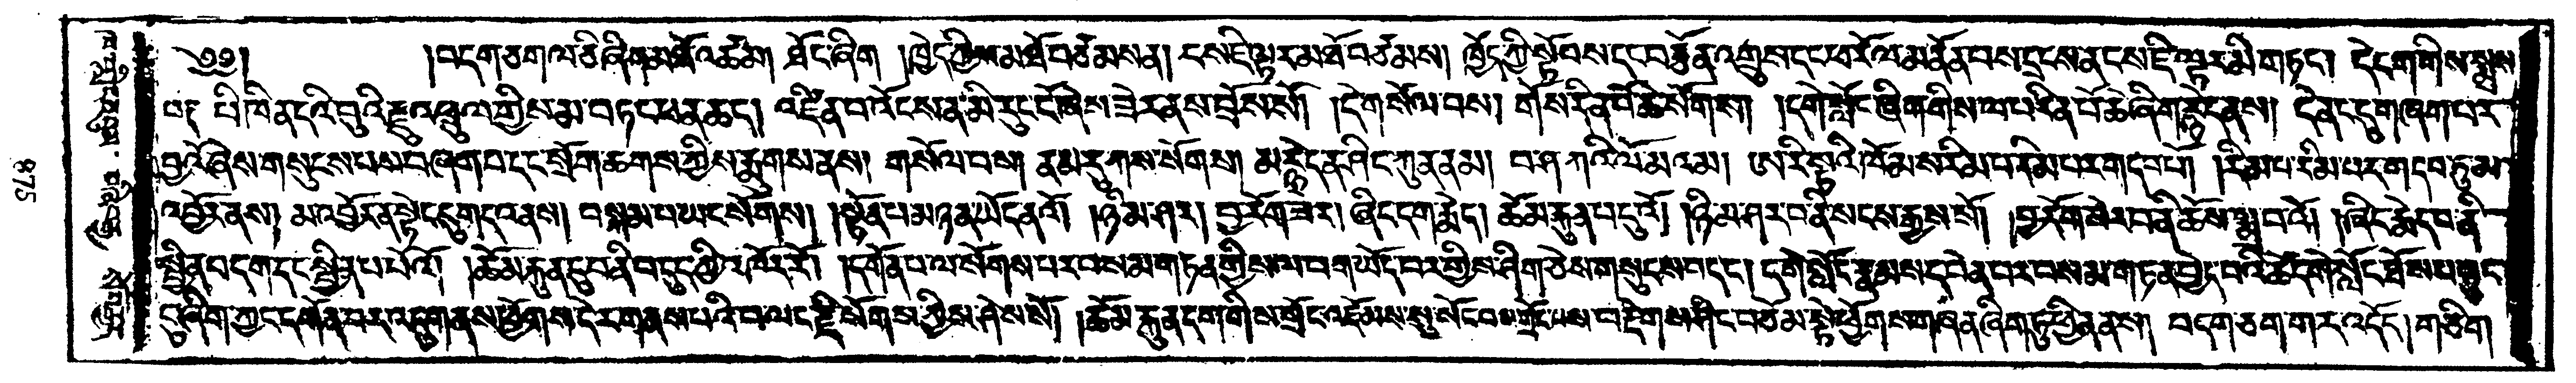༄༅། །བདག་ཅག་ལ་ཅི་ཞིག་མཐོ་འཚམ། ཐོང་ཞིག །ཁྱེད་ཀྱིས་མཐོ་བཙམས་ན། ངས་ཇི་ལྟར་མཐོ་བཙམས། ཁྱོད་ཀྱི་སྟོབས་དང་བརྩོན་འགྲུས་དང་ཕ་རོལ་མནོན་པས་དྲངས་ནངས་ཇི་ལྟར་མི་གཏང་། དེ་དག་གིས་སྨྲས་
པ༑ པི་ཁིན་དའི་བུའི་རྫུ་འཕྲུལ་གྱིས་མ་བཏང་ཕན་ཆད། འཛིན་བ་འོངས་ན་མི་རུང་ངོ་ཞེས་ཟེར་ནས་བྲོས་སོ། །དེ་གསོལ་བས། གོས་རིན་པོ་ཆེ་སོགས། །དགེ་སློང་ཞིག་གིས་ལ་པ་རིན་པོ་ཆེ་ཞིག་རྙེད་ནས། དེ་ནང་དུ་གཞག་པར་
བྱའོ་ཞེས་གསུངས་པས་བཞག་བ་དང་སྲོག་ཆགས་ཀྱིས་རྨུགས་ནས། གསོལ་བས། ནམ་རུ་ཀས་སོགས། མ་རྙེད་ན་ཤིང་ཀུན་ནམ། བ་ཤ་ཀའི་ལོ་མའམ། ཨ་རི་སྟའི་ཁོམས་རིམ་པ་རིམ་པར་གདབ་པོ། །རིམ་པ་རིམ་པར་གདབ་ཏུ་མ་
འབྱོར་ནས། མ་འབྱོར་ན་སྟེང་དུ་གདའ་ནས། བསྐམ་པ་ཡང་སོགས། །སྟོན་པ་མཉན་ཡོད་ནའོ། །ཉི་མ་ཤར། བྱ་རོག་ཟེར། ཞིང་དག་རྨེད། ཆོམ་རྐུན་པ་དུ་འོ། །ཉི་མ་ཤར་བ་ནི་སངས་རྒྱས་སོ། །བྱ་རོག་ཟེར་བ་ནི་ཆོས་སྨྲ་བ་འོ། །ཞིང་རྨེད་བ་ནི་
སྦྱིན་བདག་དང་སྦྱིན་པ་པོའོ། །ཆོམ་རྐུན་དུ་བ་ནི་བདུད་ཀྱི་འཁོར་རོ། །དགོན་པ་ལ་སོགས་པར་བསམ་གཏན་གྱིས་ལ་བག་ཡོད་བར་གྱིས་ཤིག་ཅེས་གསུངས་པ་དང་། དགེ་སློང་རྣམས་དབེན་པར་བསམ་གཏན་བྱེད་པའི་ཚེ་དགེ་སློང་ཐོས་པ་ཉུང་
དུ་ཞིག་ཀྱང་དགོན་པར་འདུག་ནས་ཕྱོགས་དེར་གནས་པའི་བ་ལང་རྫི་སོགས་ཀྱིས་ཤེས་སོ། །ཆོམ་རྐུན་དག་གིས་གྲོང་འཇོམས་སུ་སོང་བས་གྲོང་པས་བརྡེགས་ཤིང་བཅོམ་སྟེ་ཕྱོགས་གཞན་ཞིག་ཏུ་ཕྱིན་ནས། བདག་ཅག་གར་འདོད། གཅིག་